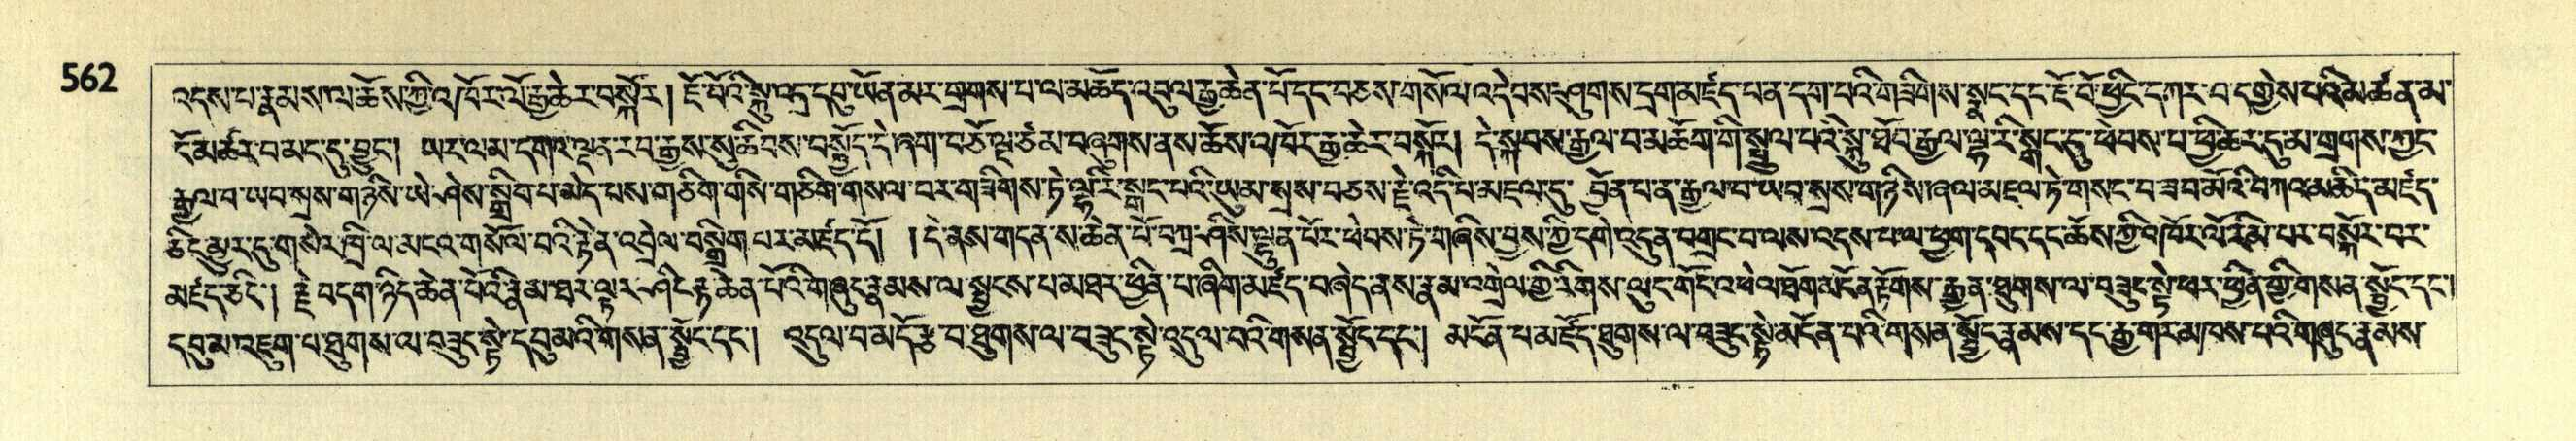འདས་པ་རྣམས་ལ་ཆོས་ཀྱི་འཁོར་ལོ་རྒྱ་ཆེར་བསྐོར། ཇོ་བོའི་སྐུ་འདྲ་དབུ་ཡོན་མར་གྲགས་པ་ལ་མཆོད་འབུལ་རྒྱ་ཆེན་པོ་དང་བཅས་གསོལ་འདེབས་ཤུགས་དྲག་མཛད་པ་ན་དག་པའི་གཟིགས་སྣང་དང་ཇོ་བོ་ཕྱིང་དཀར་བ་དགྱེས་པའི་མཚན་མ་
ངོ་མཚར་བ་མང་དུ་བྱུང་། ཡར་ལམ་དགའ་ལྡན་རབ་རྒྱས་སུ་ཆིབས་བསྐྱོད་དེ་ཞག་བཅོ་ལྔ་ཙམ་བཞུགས་ནས་ཆོས་འཁོར་རྒྱ་ཆེར་བསྐོར། དེ་སྐབས་རྒྱལ་བ་མཆོག་གི་སྤྲུལ་པའི་སྐུ་ཐོབ་རྒྱལ་ལྷ་རི་སྒང་དུ་ཕེབས་པ་ཕྱི་ཆར་དུ་མ་གྲགས་ཀྱང་
རྒྱལ་བ་ཡབ་སྲས་གཉིས་ཡེ་ཤེས་སྒྲིབ་པ་མེད་པས་གཅིག་གིས་གཅིག་གསལ་བར་གཟིགས་ཏེ་ལྷ་རི་སྒང་པའི་ཡུམ་སྲས་བཅས་རྗེ་འདི་པ་མཇལ་དུ་བྱོན་པ་ན་རྒྱལ་བ་ཡབ་སྲས་གཉིས་ཞལ་མཇལ་ཏེ་གསང་བ་ཟབ་མོའི་བཀའ་མཆིད་མཛད་
ཅིང་མྱུར་དུ་གསེར་ཁྲི་ལ་མངའ་གསོལ་བའི་རྟེན་འབྲེལ་བསྒྲིག་པར་མཛད་དོ། །དེ་ནས་གདན་ས་ཆེན་པོ་བཀྲ་ཤིས་ལྷུན་པོར་ཕེབས་ཏེ་གཞིས་བྱས་ཀྱི་དགེ་འདུན་བགྲང་བ་ལས་འདས་པ་ལ་ཕྱག་དབང་དང་ཆོས་ཀྱི་འཁོར་ལོ་རིམ་པར་བསྐོར་བར་
མཛད་ཅིང་། རྗེ་བདག་ཉིད་ཆེན་པོའི་རྣམ་ཐར་ལྟར་ཤིང་རྟ་ཆེན་པོའི་གཞུང་རྣམས་ལ་སྦྱངས་པ་མཐར་ཕྱིན་པ་ཞིག་མཛད་བཞེད་ནས་རྣམ་འགྲེལ་གྱི་རིགས་ལུང་གོང་འཕེལ་ཐོག་མངོན་རྟོགས་རྒྱན་ཐུགས་ལ་བཟུང་སྟེ་ཕར་ཕྱིན་གྱི་གསན་སྦྱོང་དང་།
དབུ་མ་འཇུག་པ་ཐུགས་ལ་བཟུང་སྟེ་དབུ་མའི་གསན་སྦྱོང་དང་། འདུལ་བ་མདོ་རྩ་བ་ཐུགས་ལ་བཟུང་སྟེ་འདུལ་བའི་གསན་སྦྱོང་དང་། མངོན་པ་མཛོད་ཐུགས་ལ་བཟུང་སྟེ་མངོན་པའི་གསན་སྦྱོང་རྣམས་དང་རྒྱ་གར་མཁས་པའི་གཞུང་རྣམས་